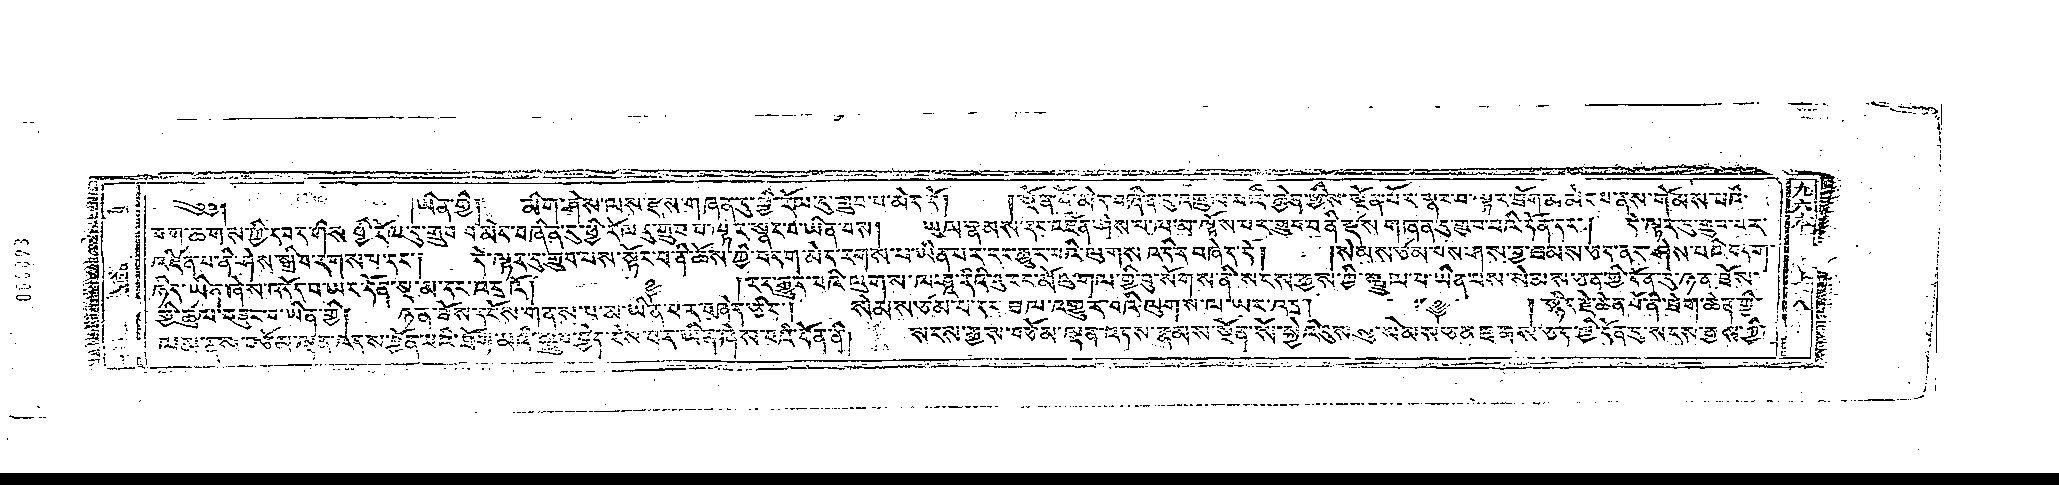༄༅། །ཡིན་གྱི། མིག་ཤེས་ལས་རྫས་གཞན་དུ་ཕྱི་རོལ་དུ་གྲུབ་པ་མེད་དོ། །སྔོན་པོ་མེད་བཞིན་དུ་འཁྲུལ་བའི་རྐྱེན་གྱིས་སྔོན་པོར་སྣང་བ་ལྟར་ཐོག་མ་མེད་པ་ནས་གོམས་པའི་
བག་ཆགས་ཀྱི་དབང་གིས་ཕྱི་རོལ་དུ་གྲུབ་པ་མེད་བཞིན་དུ་ཕྱི་རོལ་དུ་གྲུབ་པ་ལྟར་སྣང་བ་ཡིན་པས། ཡུལ་རྣམས་རང་འཛིན་ཤེས་པ་ལ་མ་ལྟོས་པར་གྲུབ་བ་ནི་རྫས་གཞན་དུ་གྲུབ་པའི་དོན་དང་། དེ་ལྟར་དུ་གྲུབ་བར་
འཛིན་པ་ནི་ཤེས་སྒྲིབ་རགས་པ་དང་། དེ་ལྟར་དུ་གྲུབ་བས་སྟོང་པ་ནི་ཆོས་ཀྱི་བདག་མེད་རགས་པ་ཡིན་པར་རང་རྒྱུད་པའི་ལུགས་འདིར་བཞེད་དོ། །སེམས་ཙམ་པས་ཤེས་བྱ་ཐམས་ཅད་ནང་ཤེས་པའི་བདག་
ཉིད་ཡིན་ཞེས་འདོད་པ་ཡང་དོན་སྔ་མ་དང་འདྲའོ། ༈ །རང་རྒྱུད་པའི་ལུགས་ལ་ཤཱ་རིའི་བུ་དང་མོའུ་གལ་གྱི་བུ་སོགས་ནི་སངས་རྒྱས་ཀྱི་སྤྲུལ་པ་ཡིན་པས་སེམས་ཅན་གྱི་དོན་དུ་ཉན་ཐོས་
གྱི་ཚུལ་བཟུང་བ་ཡིན་གྱི། ཉན་ཐོས་དངོས་གནས་བ་མ་ཡིན་པར་བཞེད་ཅིང་། སེམས་ཙམ་པ་དང་ཐལ་འགྱུར་བའི་ལུགས་ལ་ཡང་འདྲ། ༈ །སྙིང་རྗེ་ཆེན་པོ་ནི་ཐེག་ཆེན་གྱི་
ལམ་ནས་བཅོམ་ལྡན་འདས་འབྱོན་པའི་ཐོག་མའི་སྒྲུབ་བྱེད་ཡིན་ཞེས་པའི་དོན་ནི། སངས་རྒྱས་བཅོམ་ལྡན་འདས་རྣམས་སྔོན་སོ་སྐྱེའི་དུས་སུ་སེམས་ཅན་ཐམས་ཅད་ཀྱི་དོན་དུ་སངས་རྒྱས་ཀྱི་